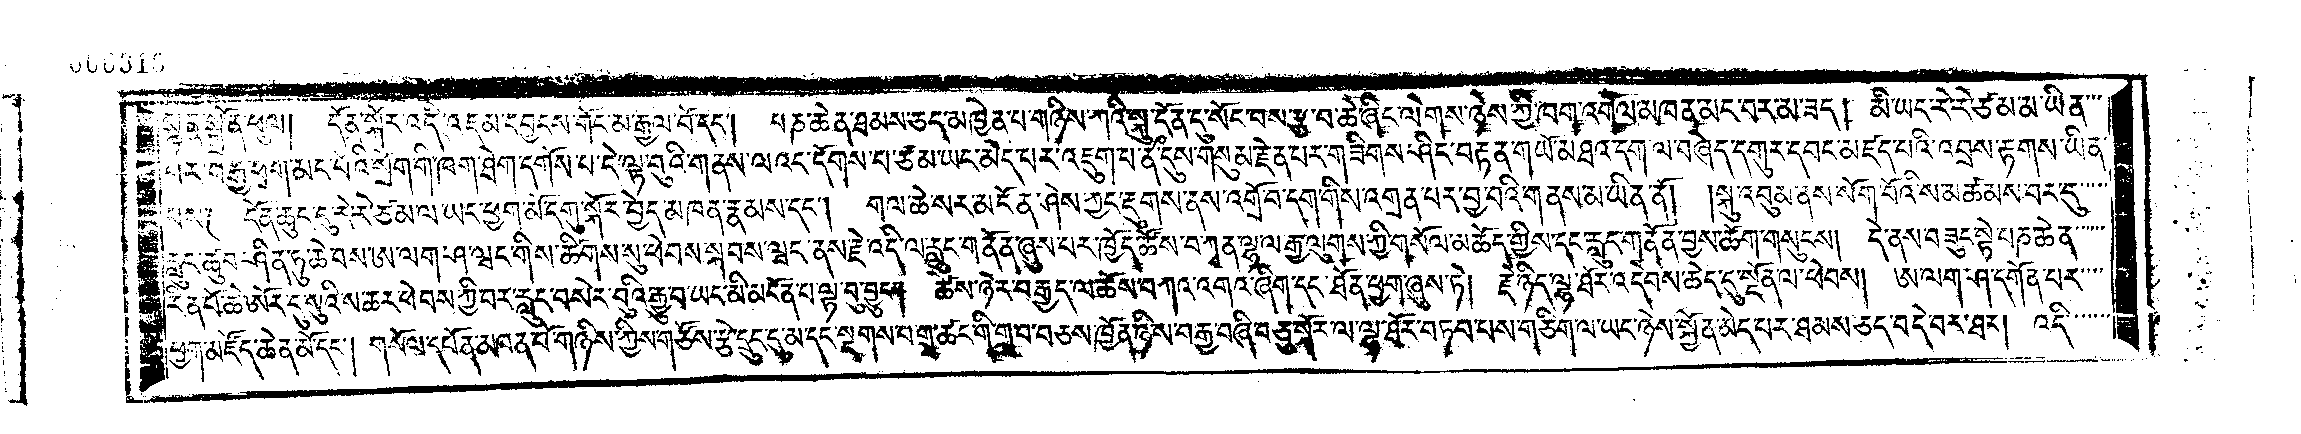སྙན་སྒྲོན་ཕུལ། དོན་སྐོར་འདི་འཇམ་དབྱངས་གོང་མ་རྒྱལ་པོ་དང་། པཎ་ཆེན་ཐམས་ཅད་མཁྱེན་པ་གཉིས་ཀའི་སྐུ་དོན་དུ་སོང་བས་རྩ་བ་ཆེ་ཞིང་ལེགས་ཉེས་ཀྱི་ཁག་འགེལ་མཁན་མང་པར་མ་ཟད། མི་ཡང་རེ་རེ་ཙམ་མ་ཡིན་
པར་བརྒྱ་ཕྲག་མང་པོའི་སྲོག་གི་ཁག་ཐེག་དགོས་པ་དེ་ལྟ་བུའི་གནས་ལའང་དོགས་པ་ཙམ་ཡང་མེད་པར་འཇུག་བ་ནྀ་དུས་གསུམ་རྗེན་པར་གཟིགས་ཤིང་བརྟན་གཡོ་མཐའ་དག་ལ་བཞེད་དགུར་དབང་མཛད་པའི་འབྲས་རྟགས་ཡིན་
པས༑ དོན་ཆུང་ངུ་རེ་རེ་ཙམ་ལ་ཡང་ཕྱག་མོ་དགུ་སྐོར་བྱེད་མཁན་རྣམས་དང་། གལ་ཆེ་སར་མངོན་ཤེས་ཀྱང་རྡུགས་ནས་འགྲོ་བ་དག་གིས་འགྲན་པར་བྱ་བའི་གནས་མ་ཡིན་ནོ། །སྐུ་འབུམ་ནས་སོག་པོའི་ས་མཚམས་བར་དུ་
རླུང་ཚུབ་ཤིན་ཏུ་ཆེ་བས་ཨ་ལག་ཤ་ཝང་གི་ས་ཚིགས་སུ་ཕེབས་སྐབས་ཝང་ནས་རྗེ་འདི་ལ་རླུང་གནོན་ཞུས་བར་ཁྱོད་ཚོས་བཀྭན་ལྷ་ལ་རྒྱ་ལུགས་ཀྱི་གསོལ་མཆོད་གྱིས་དང་རླུང་གནོན་བྱས་ཆོག་གསུངས། དེ་ནས་བཟུང་སྟེ་པཎ་ཆེན་
རིན་པོ་ཆེ་ཨོར་དུ་སུའི་ས་ཆར་ཕེབས་ཀྱི་བར་རླུང་བསེར་བུའི་རྒྱུ་བ་ཡང་མི་མངོན་པ་ལྟ་བུ་བྱུང་། ཚེས་ཉེར་བརྒྱད་ལ་ཆོས་བཀའ་འགའ་ཞིག་དང་ཐོན་ཕྱག་ཞུས་ཏེ། རྗེ་ཉིད་ལྷ་ཐོར་འདེབས་ཆེད་དུ་སྔོན་ལ་ཕེབས། ཨ་ལག་ཤ་དགོན་པར་
ཕྱག་མཛོད་ཆེན་མོ་དང་། གསོལ་དཔོན་མཁན་པོ་གཉིས་ཀྱིས་གཙོས་རྩེ་དྲུང་དུ་མ་དང་སྔགས་པ་གྲྭ་ཚང་གི་གྲྭ་བ་བཅས་ཁྱོན་ཉིས་བརྒྱ་བཞི་བཅུ་སྐོར་ལ་ལྷ་ཐོར་བཏབ་པས་གཅིག་ལ་ཡང་ཉེས་སྐྱོན་མེད་པར་ཐམས་ཅད་བདེ་བར་ཐར། འདི་